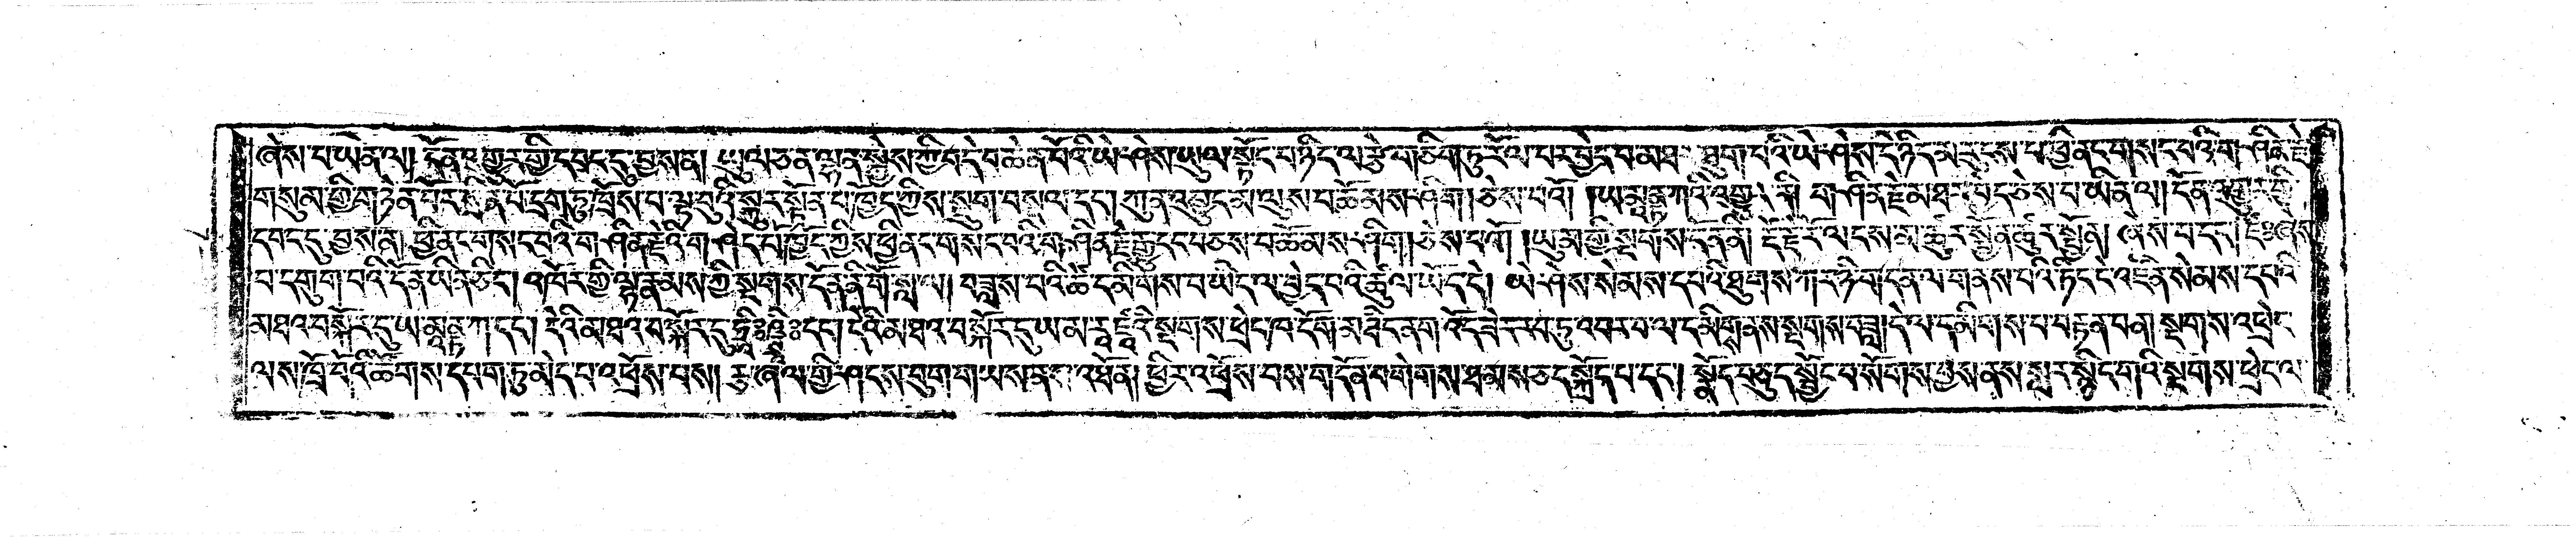ཞེས་པ་ཡིན་ལ། དོན་འགྱུར་གྱི་དབང་དུ་བྱས་ན། ཡུལ་ཅན་ལྷན་སྐྱེས་ཀྱི་བདེ་བ་ཆེན་པོའི་ཡེ་ཤེས་ཡུལ་སྟོང་པ་ཉིད་ལ་རྩེ་གཅིག་ཏུ་རོལ་པར་བྱེད་པ་མཐར་ཐུག་པའི་ཡེ་ཤེས་དེ་ཉིད་མ་རུངས་པ་ཕྱི་ནང་གསང་བའི་གཤིན་རྗེ་
གསུམ་གྱི་གཉེན་པོར་སྲིན་པོ་དྲག་ཏུ་ཁྲོས་པ་ལྟ་བུའི་སྐུར་སྟོན་པ་ཁྱོད་ཀྱིས་སྡུག་བསྔལ་དང་། ཀུན་འབྱུང་མ་ལུས་པ་ཆོམས་ཤིག །ཅེས་པའོ། །ཡ་མཱནྟ་ཀའི་འགྱུར་ནི། གཤིན་རྗེ་མཐར་བྱེད་ཅེས་པ་ཡིན་ལ། དོན་འགྱུར་གྱི་
དབང་དུ་བྱས་ན། ཕྱི་ནང་གསང་བའི་གཤིན་རྗེའི་གཤེད་པོ་ཁྱོད་ཀྱིས་ཕྱི་ནང་གསང་བའི་གཤིན་རྗེ་རྒྱུ་དང་བཅས་པ་ཆོམས་ཤིག །ཅེས་པའོ། །ཡུམ་གྱི་སྔགས་དོན་ནི། རྡོ་རྗེ་རོ་ལངས་མ་ཚུར་སྤྱོན་ཚུར་སྤྱོན། ཞེས་པ་དང་། ཛཿ ཞེས་
པ་དགུག་པའི་དོན་ཡིན་ཅིང་། འཁོར་གྱི་ལྷ་རྣམས་ཀྱི་སྔགས་དོན་ནི་གོ་སླ་ལ། བཟླས་པའི་ཚེ་དམིགས་པ་ཡིད་ལ་བྱེད་པའི་ཚུལ་ཡོད་དེ། ཡེ་ཤེས་སེམས་དཔའི་ཐུགས་ཀར་ཉི་གདན་ལ་གནས་པའི་ཏིང་ངེ་འཛིན་སེམས་དཔའི་
མཐའ་བསྐོར་དུ་ཡ་མཱནྟ་ཀ་དང་། དེའི་མཐའ་བསྐོར་དུ་ཧྲཱིཿ ཥྚྲཱིཿ དང་། དེའི་མཐའ་བསྐོར་དུ་ཡ་མ་རཱ་ཛཱའི་སྔགས་ཕྲེང་ཁ་དོག་མཐིང་ནག་འོད་ཟེར་རབ་ཏུ་འབར་བ་ལ་དམིགས་ནས་སྔགས་བཟླ། དེ་ལ་དམིགས་པ་བརྟན་པ་ནི། སྔགས་འཕྲེང་
ལས་ཁྲོ་བོའི་ཚོགས་དཔག་ཏུ་མེད་པ་འཕྲོས་པས། རྩ་ཞལ་གྱི་ཤངས་བུག་གཡས་ནས་འཐོན། ཕྱིར་འཕྲོས་པས་གདོན་བགེགས་ཐམས་ཅད་སྐྲོད་པ་དང་། སྣོད་བཅུད་སྦྱོང་བ་སོགས་བྱས་ནས་སླར་སྙིང་གའི་སྔགས་ཕྲེང་ལ་